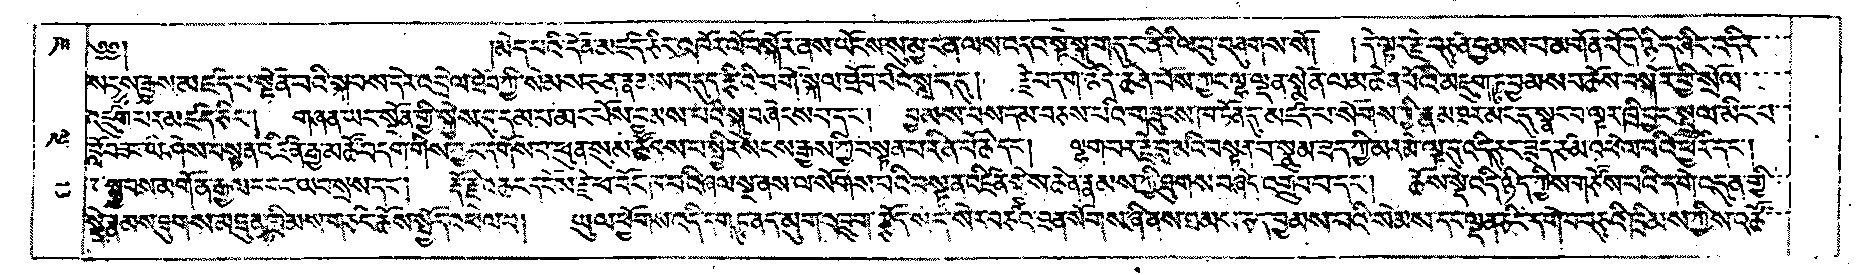༄༅། །མེད་པའི་དོན་མཛད་ཅིང་འཁོར་ལོ་བསྐོར་ནས་ཡོངས་སུ་མྱ་ངན་ལས་འདའ་སྟེ་སྐུ་གདུང་ནི་རིལ་བུ་བཞུགས་སོ། །དེ་ལྟར་རྗེ་བཙུན་བྱམས་པ་མགོན་པོ་དེ་ཉིད་ཞིང་འདིར་
སངས་རྒྱས་མཛད་པ་སྟོན་པའི་སྐབས་དེར་འབྲེལ་ཐོབ་ཀྱི་སེམས་ཅན་རྣམས་བདུད་རྩིའི་བགོ་སྐལ་ཐོབ་པའི་སླད་དུ། རྗེ་བདག་ཉིད་ཆེན་པོས་ཀྱང་ལྷ་ལྡན་སྨོན་ལམ་ཆེན་པོའི་མཇུག་ཏུ་བྱམས་པ་ཆོས་བསྐོར་གྱི་སྲོལ་
འཛུག་པར་མཛད་ཅིང་། གཞན་ཡང་སྔོན་གྱི་སྐྱེས་བུ་དམ་པ་མང་པོས་བྱམས་པའི་སྐུ་བཞེངས་པ་དང་། བྱམས་པས་དམ་བཅས་པའི་གཟུངས་ཁ་ཏོན་དུ་མཛད་པ་སོགས་ཀྱི་རྣམ་ཐར་མང་དུ་སྣང་བ་ལྟར་ཁྲི་བྱང་སྤྲུལ་མིང་པ་
བློ་བཟང་ཡེ་ཤེས་བསྟན་འཛིན་རྒྱ་མཚོ་བདག་གིས་ཀྱང་དགོས་པ་ཕུན་སུམ་ཚོགས་པ་སྤྱིར་སངས་རྒྱས་ཀྱི་བསྟན་པ་རིན་པོ་ཆེ་དང་། ལྷག་པར་རྗེ་བླ་མའི་བསྟན་པ་སྣུམ་ཟད་ཀྱི་མར་མེ་ལྟ་བུ་འདི་ཅུང་ཟད་ཙམ་འཕེལ་བའི་ཕྱིར་དང་།
༧་སྐྱབས་མགོན་རྒྱལ་དབང་ཡབ་སྲས་དང་། རྡོ་རྗེ་འཆང་དངོས་རྗེ་ཕ་བོང་ཁ་པའི་ཞལ་སྔ་ནས་ལ་སོགས་པའི་བསྟན་འཛིན་སྐྱེས་ཆེན་རྣམས་ཀྱི་ཐུགས་བཞེད་འགྲུབ་པ་དང་། ཆོས་སྡེ་འདི་ཉིད་ཀྱིས་གཙོས་པའི་དགེ་འདུན་གྱི་
སྡེ་རྣམས་ཐུགས་མཐུན་ཁྲིམས་གཙང་ཆོས་སྤྱོད་འཕེལ་བ། ཡུལ་ཕྱོགས་འདི་དག་ཏུ་ནད་མུག་འཁྲུག་རྩོད་སད་སེར་བཙའ་ཐན་སོགས་ཞི་ནས་ཐམས་ཅད་བྱམས་པའི་སེམས་དང་ལྡན་ཅིང་དགེ་བ་བཅུའི་ཁྲིམས་ཀྱིས་འཚོ་